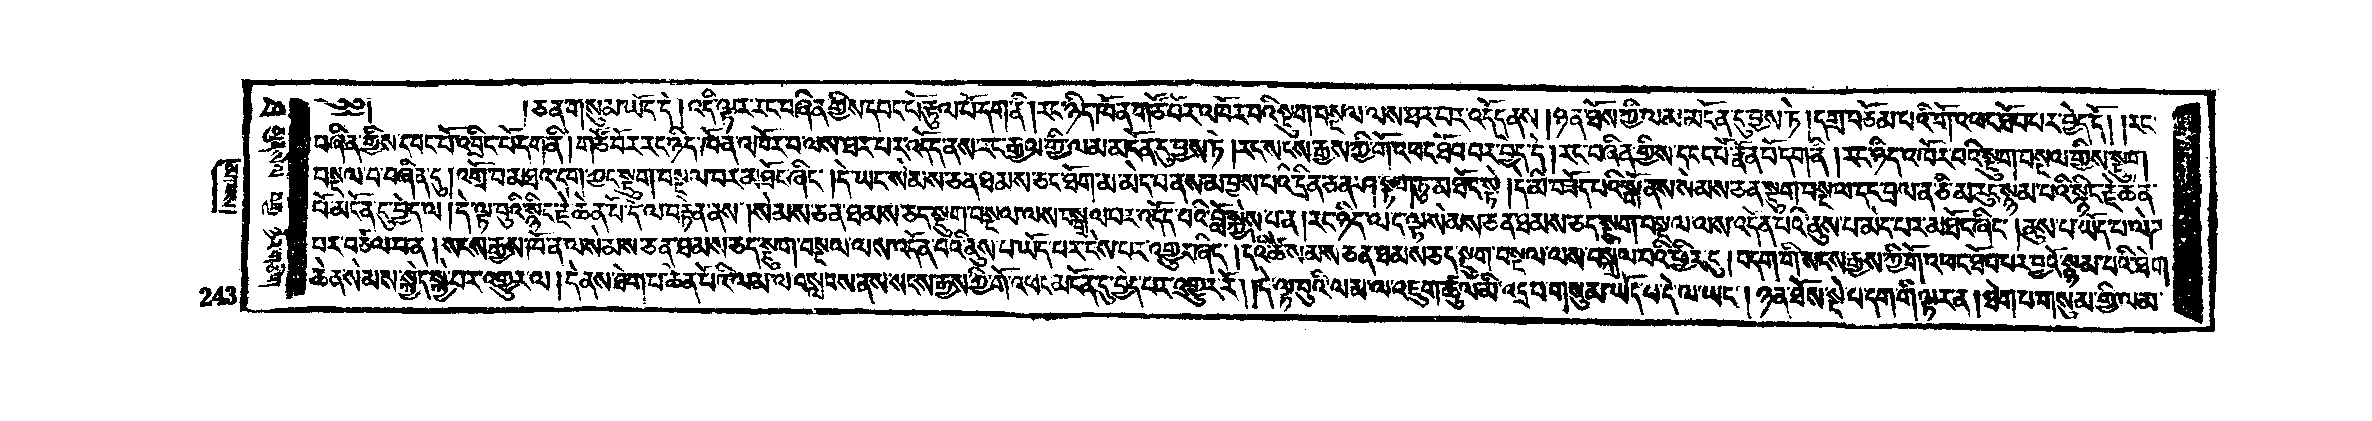༄༅། །ཅན་གསུམ་ཡོད་དེ། འདི་ལྟར་རང་བཞིན་གྱིས་དབང་པོ་རྟུལ་པོ་དག་ནི། རང་ཉིད་ཁོ་ན་གཙོ་བོར་འཁོར་བའི་སྡུག་བསྔལ་ལས་ཐར་བར་འདོད་ནས། ཉན་ཐོས་ཀྱི་ལམ་མངོན་དུ་བྱས་ཏེ། དགྲ་བཅོམ་པའི་གོ་འཕང་ཐོབ་པར་བྱེད་དོ། །རང་
བཞིན་གྱིས་དབང་པོ་འབྲིང་པོ་དག་ནི། གཙོ་བོར་རང་ཉིད་ཁོ་ན་འཁོར་བ་ལས་ཐར་པར་འདོད་ནས་རང་རྒྱལ་གྱི་ལམ་མངོན་དུ་བྱས་ཏེ། རང་སངས་རྒྱས་ཀྱི་གོ་འཕང་ཐོབ་པར་བྱེད་དེ། རང་བཞིན་གྱིས་དབང་པོ་རྣོན་པོ་དག་ནི། རང་ཉིད་འཁོར་བའི་སྡུག་བསྔལ་གྱིས་སྡུག་
བསྔལ་བ་བཞིན་དུ། འགྲོ་བ་མཐའ་དག་ཀྱང་སྡུག་བསྔལ་བར་མཐོང་ཞིང་།དེ་ཡང་སེམས་ཅན་ཐམས་ཅད་ཐོག་མ་མེད་པ་ནས་མ་བྱས་པའི་དྲིན་ཅན་ཤ་སྟག་ཏུ་མཐོང་སྟེ། དེ་མི་བཟོད་པའི་སྒོ་ནས་སེམས་ཅན་སྡུག་བསྔལ་དང་བྲལ་ན་ཅི་མ་རུང་སྙམ་པའི་སྙིང་རྗེ་ཆེན་
པོ་མངོན་དུ་བྱེད་ལ། དེ་ལྟ་བུའི་སྙིང་རྗེ་ཆེན་པོ་དེ་ལ་བརྟེན་ནས། སེམས་ཅན་ཐམས་ཅད་སྡུག་བསྔལ་ལས་བསྒྲལ་བར་འདོད་པའི་བློ་སྐྱེས་པ་ན། རང་ཉིད་ལ་ད་?་ལྟ་སེམས་ཅན་ཐམས་ཅད་སྡུག་བསྔལ་ལས་འདོན་པའི་ནུས་པ་མེད་པར་མཐོང་ཞིང་། ནུས་པ་ཡོད་པ་ལེགས་
བར་བཙལ་བ་ན། སངས་རྒྱས་ཁོ་ན་ལ་སེམས་ཅན་ཐམས་ཅད་སྡུག་བསྔལ་ལས་འདོན་པའི་ནུས་པ་ཡོད་པར་ངེས་པར་འགྱུར་ཞིང་། དེའི་ཚེ་སེམས་ཅན་ཐམས་ཅད་སྡུག་བསྔལ་ལས་བསྐལ་བའི་ཕྱིར་དུ། བདག་གི་སངས་རྒྱས་ཀྱི་གོ་འཕང་ཐོབ་པར་བྱའོ་སྙམ་པའི་ཐེག་
ཆེན་སེམས་སྐྱེད་སྐྱེ་བར་འགྱུར་ལ། དེ་ནས་ཐེག་པ་ཆེན་པོའི་ལམ་ལ་བསླབས་ནས་སངས་རྒྱས་ཀྱི་གོ་འཕང་མངོན་དུ་བྱེད་པར་འགྱུར་རོ། །དེ་ལྟ་བུའི་ལམ་ལ་འཇུག་ཚུལ་མི་འདྲ་བ་གསུམ་ཡོད་པ་དེ་ལ་ཡང་། ཉན་ཐོས་སྡེ་པ་དག་གི་ལྟར་ན། ཐེག་པ་གསུམ་གྱི་ལམ་